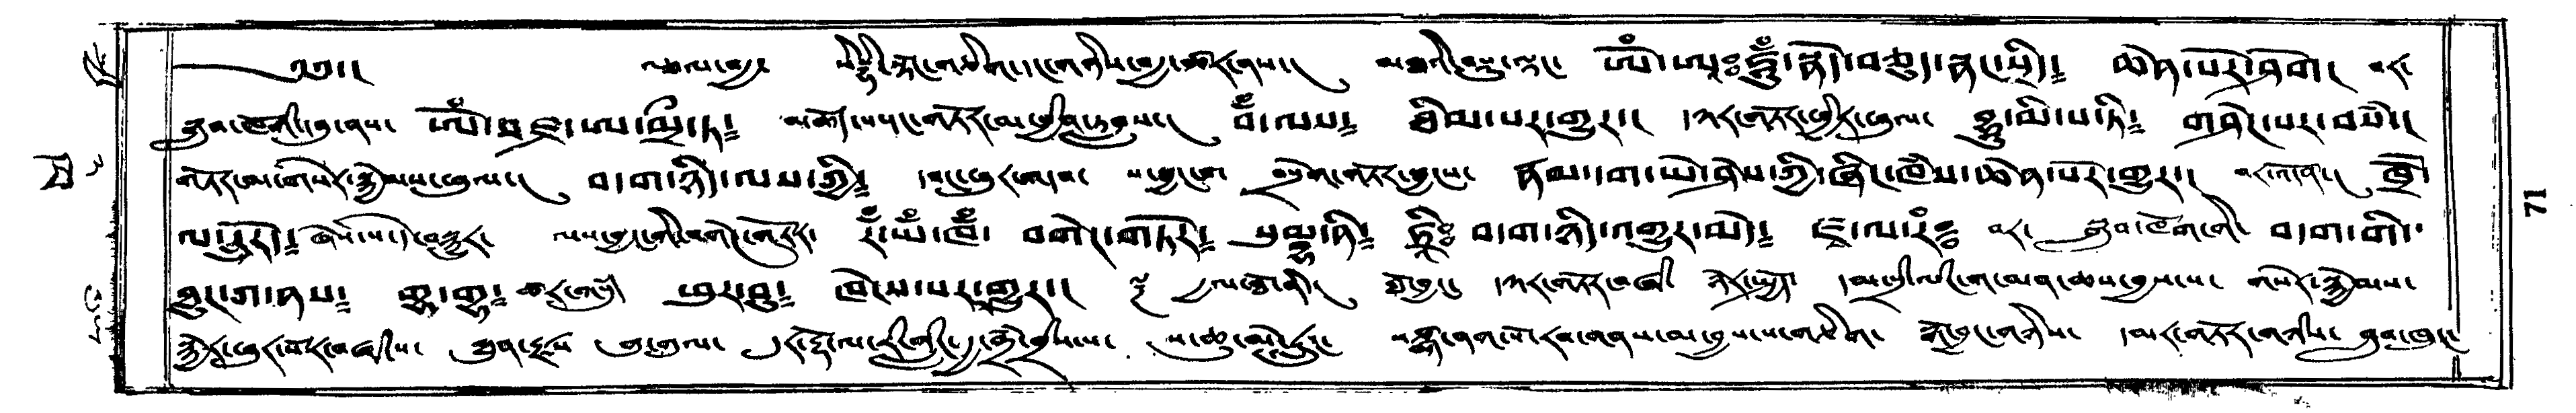རྩལ་བརྒྱ། སིདྡྷི་སྟོང་གཅིག་དང་ཉིས་བརྒྱ་ཚར་ནས། མཐའི་བསྡུ་ལྡང་། ཨོཾ་ཨཱཿཧཱུྃ་སྣོད་བཅུད་སྣང་སྲིད༴ ཆེན་པོར་ཤོག བར་
སྒྲུབ་ཁོག་གི་དབུ་ནས། ཨོཾ་བཛྲ་ཨ་མྲྀ་ཏ༴ མཆོད་པ་དང་གཏོར་མ་བྱིན་བརླབས། བྂ་ལས༴ ཐིམ་པར་གྱུར། དཀར་གཏོར་ཕྱིར་ཕུལ། བྷུ་མི་པ་ཏི༴ གཤེགས་པར་བསམ། 
གཏོར་མ་གསེར་སྐྱེམས་ཕུལ། བདག་ཉིད་ལས་ཀྱི༴ དབང་ཕུར་གདབ། ས་སྦྱང་བ། བསྲེག་གཏོར་སྦྱངས། རྣམ་དག་ཡེ་ཤེས་ཀྱི་ཞིང་ཁམས་ཆེན་པོར་གྱུར། བར་འདོན། ཁྲོ་བོ་
ལ་དུར་ཁྲོད༴ ཞེས་པ་དེ་བསྐུར། ལས་བྱང་གི་བགེགས་གཏོར། རྃ་ཡྃ་ཁྃ བགེགས་གཏོར༴ སུམྦྷ་ནི༴ ཧྲཱིཿ བདག་ཉིད་འགྱུར་མེད༴ ཛཱ་ལ་རཾ༔ བར། སྒྲུབ་ཁོག་གི། བདག་གི་
ཐུགས་ཀ་ནས༴ གྷ་གྷ༴ ཚར་གསུམ། ཕུར་བུ༴ ཁེངས་པར་གྱུར། ༑ རྒྱལ་ཐོ་ནི། ཐོ་བྱང་། དཀར་གཏོར་བཞི། ཉེར་སྤྱོད། དམ་སྲི་ལིང་ག་མན་ཆས་བྱས་པ། གསེར་སྐྱེམས་
སྐྱེར་ཕུར་སོར་བཞི་པ། ཐུན་རྫས། གུ་གུལ། དུར་རྡོ་ལ་རི་གླིང་རྒྱ་གྲམ་བྲིས་པ། ས་ཆུ་མེ་རླུང་། སཙྪ་ནག་པོ་རབ་གནས་མ་བྱས་པ་གཅིག སྒོ་བྱང་གཉིས། དམར་གཏོར་གཉིས། གྲུབ་ཁུང་